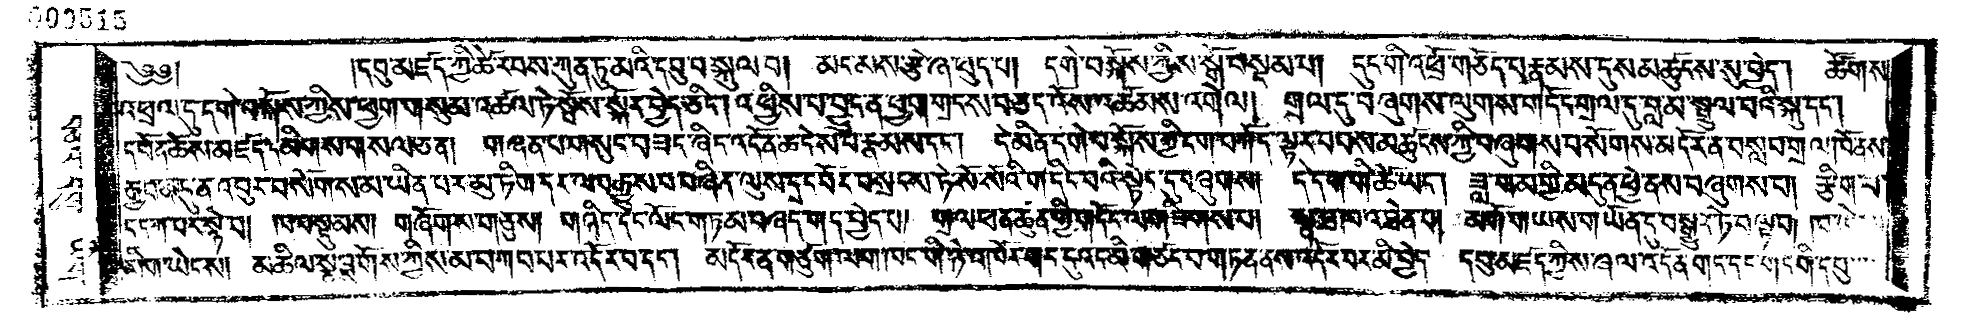༄༅། །དབུ་མཛད་ཀྱི་ཚེ་རབས་ཀུན་ཏུ་མའི་དབུ་བསྐུལ་བ། མང་མས་རྩེ་ཞ་ཕུད་པ། དགེ་བསྐོས་ཀྱིས་སྒོ་བསྡམ་པ། དུང་གི་འཕྲོ་གཅོད་པ་རྣམས་དུས་མཚུངས་སུ་བྱེད། ཚོགས་
འཕྲལ་དུ་དགེ་བསྐོས་ཀྱིས་ཕྱག་གསུམ་འཚལ་ཏེ་སྤོས་སྐོར་བྱེད་ཅིང་། འཕྱིས་པ་བྱུང་ན་ཕྱག་གྲངས་བཅད་འོས་འཚམས་འགེལ། གྲལ་དུ་བཞུགས་ལུགས་གདོང་གྲལ་དུ་བླ་མ་སྤྲུལ་པའི་སྐུ་དང་།
དཔོན་ཆོས་མཛད་དམིགས་གསལ་ཅན། གཞན་པ་གསུང་བཟང་ཞིང་འདོན་ཆ་ངེས་པ་རྣམས་དང་། དེ་མིན་དགེ་བསྐོས་ཀྱི་ངག་བཀོད་ལྟར་བབས་མཚུངས་ཀྱི་བཞུགས་པ་སོགས་མདོར་ན་བསླབ་གྲལ་ཁོ་ནས་
རྒྱབ་མདུན་འབུར་བ་སོགས་མ་ཡིན་པར་མུ་ཏིག་དར་ལ་བརྒྱུས་བ་བཞིན་ལུས་དྲང་བོར་བསྲངས་ཏེ་སོ་སོའི་གདིང་བའི་སྟེང་དུ་བཞུགས། དེ་དག་གི་ཚེ་ཡང་། ཟླ་གམ་གྱི་མདུན་ཕྱེ་ནས་བཞུགས་པ། རྩིག་པ་
དང་ཀ་བར་སྙེ་བ། ཁ་བསྡུམས། གཞོགས་གཅུས། གཉིད་དང་ལོང་གཏམ་བཞད་གད་བྱེད་པ། གྲལ་ཕན་ཚུན་གྱི་གདོང་ལ་གཟིགས་པ། སྣ་ཐ་ཁ་འཐེན་པ། མགོ་གཡས་གཡོན་དུ་བསྒྱུར་ཏེ་བལྟ་བ། ཁ་ཡེངས་
མིག་ཡེངས། མཆིལ་སྣབས་གོས་ཀྱིས་མ་བཀབ་པར་འདོར་བ་དང་། མདོར་ན་གཙུག་ལག་ཁང་གི་ཉེ་འཁོར་གང་དུའང་མི་གཙང་བ་གཏན་ནས་འདོར་བར་མི་བྱེད་དབུ་མཛད་ཀྱིས་ཞལ་འདོན་གང་དང་གང་གི་དབུ་